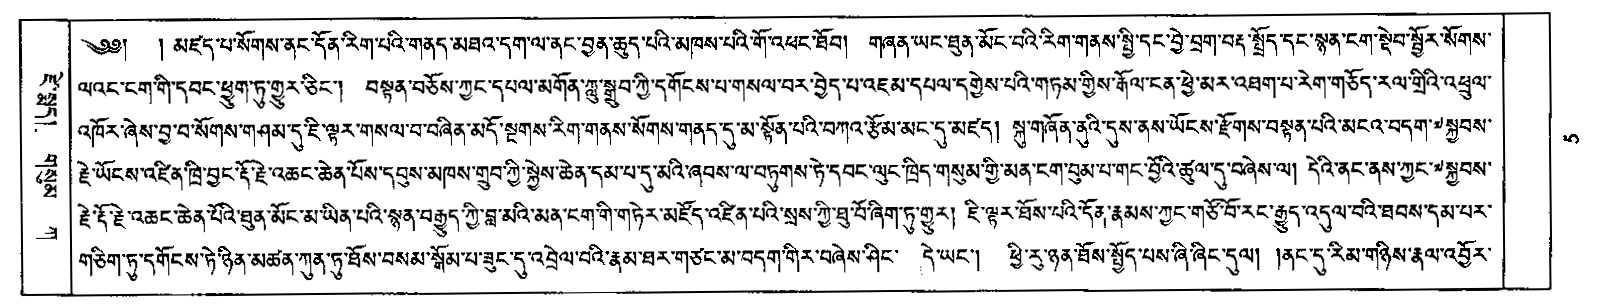༄༅། །མཛད་པ་སོགས་ནང་དོན་རིག་པའི་གནད་མཐའ་དག་ལ་ནང་བྱན་ཆུད་པའི་མཁས་པའི་གོ་འཕང་ཐོབ། གཞན་ཡང་ཐུན་མོང་བའི་རིག་གནས་སྤྱི་དང་བྱེ་བྲག་བརྡ་སྤྲོད་དང་སྙན་ངག་སྡེབ་སྦྱོར་སོགས་
ལའང་ངག་གི་དབང་ཕྱུག་ཏུ་གྱུར་ཅིང་། བསྟན་བཅོས་ཀྱང་དཔལ་མགོན་ཀླུ་སྒྲུབ་ཀྱི་དགོངས་པ་གསལ་བར་བྱེད་པ་འཇམ་དཔལ་དགྱེས་པའི་གཏམ་གྱིས་རྒོལ་ངན་ཕྱེ་མར་འཐག་པ་རེག་གཅོད་རལ་གྲིའི་འཕྲུལ་
འཁོར་ཞེས་བྱ་བ་སོགས་གཤམ་དུ་ཇི་ལྟར་གསལ་བ་བཞིན་མདོ་སྔགས་རིག་གནས་སོགས་གནད་དུ་མ་སྟོན་པའི་བཀའ་རྩོམ་མང་དུ་མཛད། སྐུ་གཞོན་ནུའི་དུས་ནས་ཡོངས་རྫོགས་བསྟན་པའི་མངའ་བདག་༧་སྐྱབས་
རྗེ་ཡོངས་འཛིན་ཁྲི་བྱང་རྡོ་རྗེ་འཆང་ཆེན་པོས་དབུས་མཁས་གྲུབ་ཀྱི་སྐྱེས་ཆེན་དམ་པ་དུ་མའི་ཞབས་ལ་བཏུགས་ཏེ་དབང་ལུང་ཁྲིད་གསུམ་གྱི་མན་ངག་བུམ་པ་གང་བྱོའི་ཚུལ་དུ་བཞེས་ལ། དེའི་ནང་ནས་ཀྱང་༧་སྐྱབས་
རྗེ་རྡོ་རྗེ་འཆང་ཆེན་པོའི་ཐུན་མོང་མ་ཡིན་པའི་སྙན་བརྒྱུད་ཀྱི་བླ་མའི་མན་ངག་གི་གཏེར་མཛོད་འཛིན་པའི་སྲས་ཀྱི་ཐུ་བོ་ཞིག་ཏུ་གྱུར། ཇི་ལྟར་ཐོས་པའི་དོན་རྣམས་ཀྱང་གཙོ་བོ་རང་རྒྱུད་འདུལ་བའི་ཐབས་དམ་པར་
གཅིག་ཏུ་དགོངས་ཏེ་ཉིན་མཚན་ཀུན་ཏུ་ཐོས་བསམ་སྒོམ་པ་ཟུང་དུ་འབྲེལ་བའི་རྣམ་ཐར་གཙང་མ་བདག་གིར་བཞེས་ཤིང་། དེ་ཡང་། ཕྱི་རུ་ཉན་ཐོས་སྤྱོད་པས་ཞི་ཞིང་དུལ། །ནང་དུ་རིམ་གཉིས་རྣལ་འབྱོར་